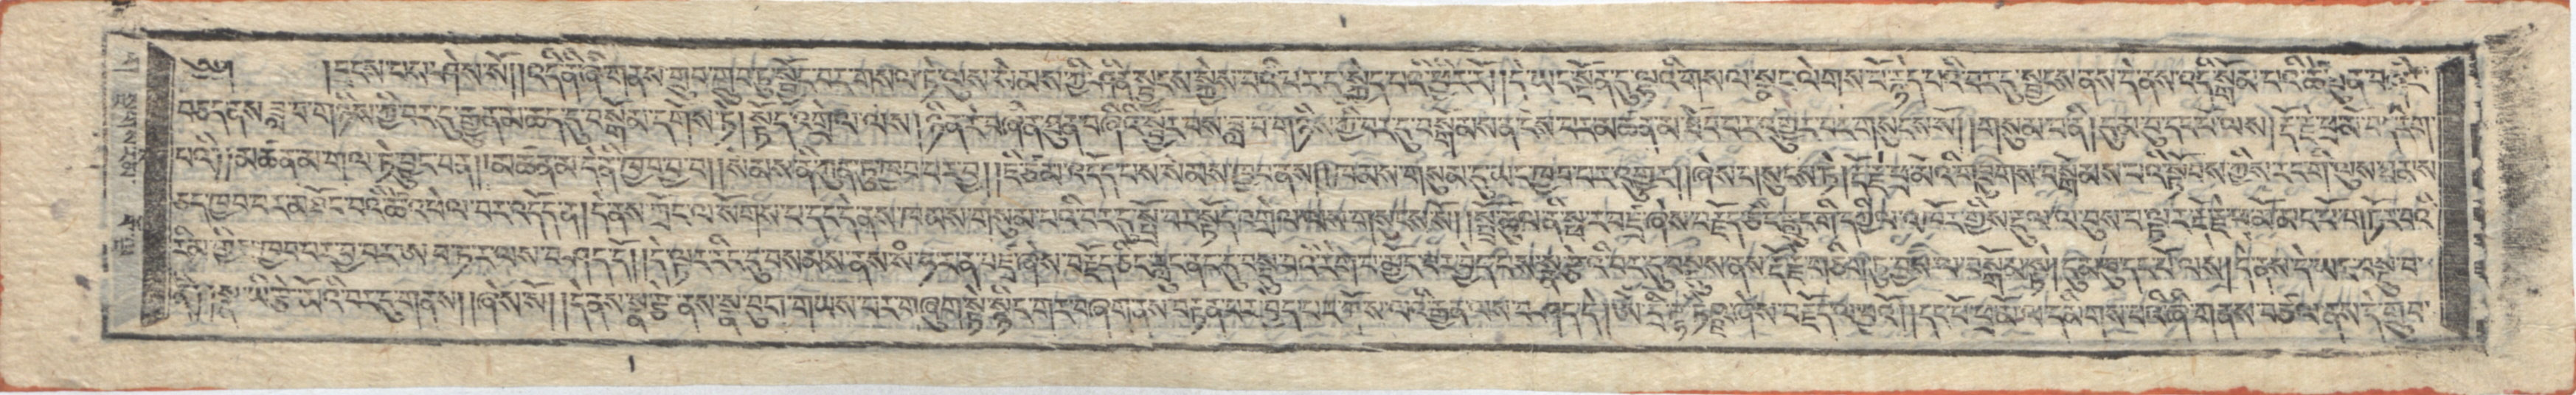༄༅། །དྲངས་པས་ཤེས་སོ། །འདི་ནི་ཞི་གནས་གྲུབ་གྲུབ་ཏུ་སྦྱོང་བར་གསལ་ཏེ་ལུས་སེམས་ཀྱི་ཤིན་སྦྱངས་སྐྱེས་པའི་བར་དུ་སྐྱེད་པའི་ཕྱིར་རོ། །དེ་ཡང་སྔོན་དུ་ལྷའི་གསལ་སྣང་ལེགས་པོ་རྙེད་པའི་བར་དུ་སྦྱངས་ནས་དེ་ནས་འདི་སྒོམ་པའི་ཚེ་ཐུན་བཞིར་
བཅད་ནས་ཟླ་བ་གཉིས་ཀྱི་བར་དུ་རྒྱུན་མ་ཆད་དུ་བསྒོམ་དགོས་ཏེ། སྟོད་འགྲེལ་ལས། ཉིན་རེ་བཞིན་ཐུན་བཞིའི་སྦྱོར་བས་ཟླ་བ་གཉིས་ཀྱི་བར་དུ་བསྒོམས་ན་ངེས་པར་མཚན་མ་ཐོབ་པར་འགྱུར་བར་གསུངས་སོ། །གསུམ་པ་ནི། དུམ་བུ་དང་པོ་ལས། རྡོ་རྗེ་ཕྲ་མོ་བདེ་རེག་
པའི༑ ༑མཚན་མ་གལ་ཏེ་བྱུང་བ་ན། །མཚན་མ་དེ་ནི་ཁྱབ་བྱ་བ། །སེམས་ནི་ཀུན་ཏུ་ཁྱབ་པར་བྱ། །ཇི་ཙམ་འདོད་པས་སེམས་ཁྱབ་ནས། །ཁམས་གསུམ་དུ་ཡང་ཁྱབ་པར་འགྱུར། །ཞེས་གསུངས་ཏེ། རྡོ་རྗེ་ཕྲ་མོའི་གཟུགས་བསྒོམས་པའི་སྟོབས་ཀྱིས་རང་གི་ལུས་ཐམས་
ཅད་ཁྱབ་པར་མཐོང་བའི་ཚེ་འཕེལ་བར་འདོད་ན། དེ་ནས་ཀྲོང་ལ་སོགས་པ་དང་དེ་ནས་ཁམས་གསུམ་པའི་བར་དུ་སྤྲོ་བར་སྟོད་འགྲེལ་ལས་གསུངས་སོ། །སྤྲོ་ཚུལ་ནི་སྥ་ར་བཛྲ་ཞེས་བརྗོད་ཅིང་རླུང་གི་དཀྱིལ་འཁོར་གྱིས་རྡུལ་ལ་བུས་པ་ལྟར་རྡོ་རྗེ་ཕྲ་མོ་མང་པོ་གཏོར་བའི་
རིམ་གྱིས་ཁྱབ་པར་བྱ་བར་ཨ་བ་ཏ་ར་ལས་བཤད་དོ། །དེ་ལྟར་རིང་དུ་བསམས་ནས་སཾ་ཧ་ར་ན་བཛྲ་ཞེས་བརྗོད་ཅིང་རླུང་ནང་དུ་བསྡུ་བའི་རེག་པ་མྱོང་བར་བྱེད་པས་སྣ་རྩེའི་བར་དུ་བསྡུས་ནས་རྡོ་རྗེ་གཅིག་ཏུ་བྱས་ལ་བསྒོམ་སྟེ། དུམ་བུ་དང་པོ་ལས། དེ་ནས་དེ་ཡང་བསྡུ་བ་
ནི༑ ༑སྣ་ཡི་རྩེ་མོའི་བར་དུ་གནས། །ཞེས་སོ། །དེ་ནས་སྣ་རྩེ་ནས་སྣ་བུག་གཡས་པར་གཞུག་སྟེ་སྙིང་གར་བཞག་ནས་བརྟན་པར་བྱེད་པར་ཀོ་ས་ལའི་རྒྱན་ལས་བཤད་དེ། ཨོཾ་དྲི་ཊྷ་ཏི་ཤཊཿཨ་ཞེས་བརྗོད་ལ་བྱའོ། །དང་པོ་ཕྲ་མོ་ལ་དམིགས་པའི་ཞི་གནས་བཙལ་ནས་དེ་གྲུབ་